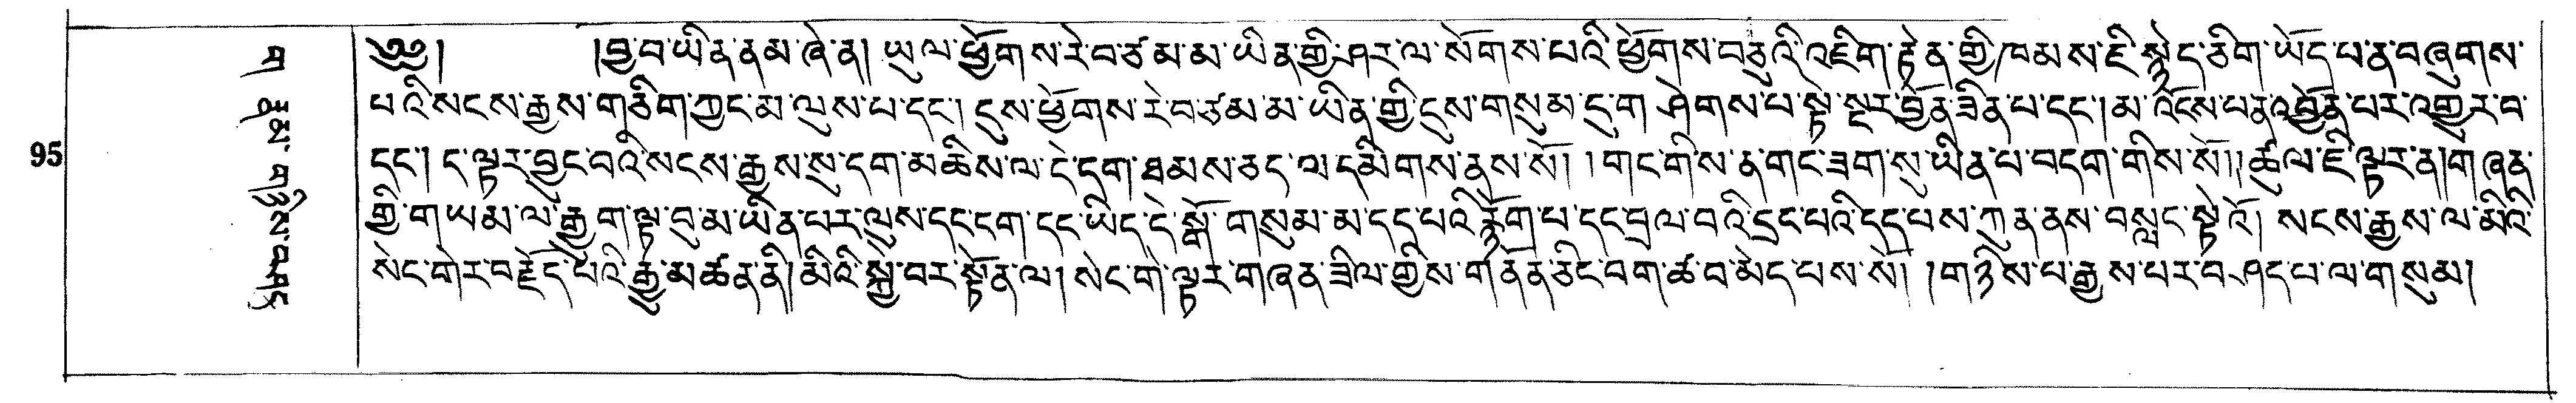༄༅། །བྱ་བ་ཡིན་ནམ་ཞེ་ན། ཡུལ་ཕྱོགས་རེ་བ་ཙམ་མ་ཡིན་གྱི་ཤར་ལ་སོགས་པའི་ཕྱོགས་བཅུའི་འཇིག་རྟེན་གྱི་ཁམས་ཇི་སྙེད་ཅིག་ཡོད་པ་ན་བཞུགས་
པའི་སངས་རྒྱས་གཅིག་ཀྱང་མ་ལུས་པ་དང་། དུས་ཕྱོགས་རེ་བ་ཙམ་མ་ཡིན་གྱི་དུས་གསུམ་དུ་གཤེགས་པ་སྟེ་སྔར་བྱོན་ཟིན་པ་དང་། མ་འོངས་པ་ན་འབྱོན་པར་འགྱུར་བ་
དང་། ད་ལྟར་བྱུང་བའི་སངས་རྒྱས་སུ་དག་མཆིས་ལ་དེ་དག་ཐམས་ཅད་ལ་དམིགས་ནས་སོ། །གང་གིས་ན་གང་ཟག་སུ་ཡིན་པ་བདག་གིས་སོ། །ཚུལ་ཇི་ལྟར་ན། གཞན་
གྱི་གཡམ་ལ་རྒྱུག་ལྟ་བུ་མ་ཡིན་པར་ལུས་དང་ངག་དང་ཡིད་དེ་སྒོ་གསུམ་མ་དད་པའི་རྙོག་པ་དང་བྲལ་བའི་དྲང་པའི་དད་པས་ཀུན་ནས་བསླང་སྟེའོ། སངས་རྒྱས་ལ་མིའི་
སེང་གེར་བརྗོད་པའི་རྒྱུ་མཚན་ནི། མིའི་སྐྱེ་བར་སྟོན་ལ། སེང་གེ་ལྟར་གཞན་ཟིལ་གྱིས་གནོན་ཅིང་བག་ཚ་བ་མེད་པས་སོ། །གཉིས་པ་རྒྱས་པར་བཤད་པ་ལ་གསུམ།